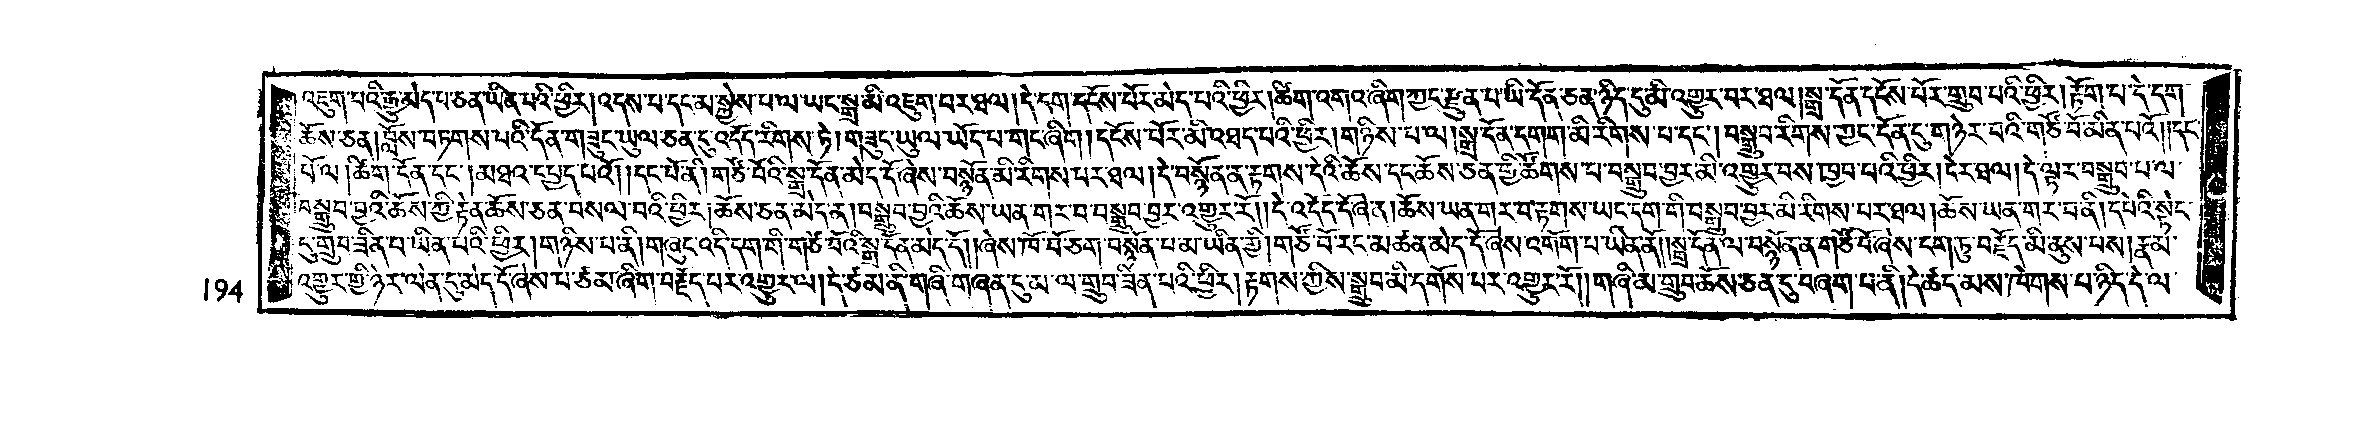འཇུག་པའི་རྒྱུ་མེད་པ་ཅན་ཡིན་པའི་ཕྱིར། འདས་པ་དང་མ་སྐྱེས་པ་ལ་ཡང་སྒྲ་མི་འཇུག་པར་ཐལ། དེ་དག་དངོས་པོར་མེད་པའི་ཕྱིར། ཚིག་འགའ་ཞིག་ཀྱང་རྫུན་པ་ཡི་དོན་ཅན་ཉིད་དུ་མི་འགྱུར་བར་ཐལ། སྒྲ་དོན་དངོས་པོར་གྲུབ་པའི་ཕྱིར། རྟོག་པ་དེ་དག་
ཆོས་ཅན། བློས་བཏགས་པའི་དོན་གཟུང་ཡུལ་ཅན་དུ་འདོད་རིགས་ཏེ། གཟུང་ཡུལ་ཡོད་པ་གང་ཞིག །དངོས་པོར་མི་འཐད་པའི་ཕྱིར། གཉིས་པ་ལ། སྒྲ་དོན་དགག་མི་རིགས་པ་དང་། བསྒྲུབ་རིགས་ཀྱང་དོན་དུ་གཉེར་བའི་གཙོ་བོ་མིན་པའོ། །དང་
པོ་ལ། ཚིག་དོན་དང་། མཐའ་དཔྱད་པའོ། །དང་པོ་ནི། གཙོ་བོའི་སྒྲ་དོན་མེད་དོ་ཞེས་བསྙོན་མི་རིགས་པར་ཐལ། དེ་བསྙོན་ན་རྟགས་དེའི་ཆོས་དང་ཆོས་ཅན་གྱི་ཚོགས་པ་བསྒྲུབ་བྱར་མི་འགྱུར་བས་ཁྱབ་པའི་ཕྱིར། དེར་ཐལ། དེ་ལྟར་བསྒྲུབ་པ་ལ་
བསྒྲུབ་བྱའི་ཆོས་ཀྱི་རྟེན་ཆོས་ཅན་བསལ་བའི་ཕྱིར། ཆོས་ཅན་མེད་ན། བསྒྲུབ་བྱའི་ཆོས་ཡན་གར་བ་བསྒྲུབ་བྱར་འགྱུར་རོ། །དེ་འདོད་དོ་ཞེ་ན། ཆོས་ཡན་གར་བ་རྟགས་ཡང་དག་གི་བསྒྲུབ་བྱར་མི་རིགས་པར་ཐལ། ཆོས་ཡན་གར་བ་ནི། དཔེའི་སྟེང་
དུ་གྲུབ་ཟིན་པ་ཡིན་པའི་ཕྱིར། གཉིས་པ་ནི། གཟུང་འདི་དག་གི་གཙོ་བོའི་སྒྲ་དོན་མེད་དོ། །ཞེས་ཁོ་བོ་ཅག་བསྙོན་པ་མ་ཡིན་གྱི། གཙོ་བོ་རང་མཚན་མེད་དོ་ཞེས་འགོག་པ་ཡིན་ནོ། །སྒྲ་དོན་ལ་བསྙོན་ན་གཙོ་བོ་ཞེས་ངག་ཏུ་བརྗོད་མི་ནུས་པས། རྣམ་
འགྱུར་གྱི་ཉེར་ལེན་དུ་མེད་དོ་ཞེས་པ་ཙམ་ཞིག་བརྗོད་པར་འགྱུར་ལ། དེ་ཙམ་ནི་གཞི་གཞན་དུ་མ་ལ་གྲུབ་ཟིན་པའི་ཕྱིར། རྟགས་ཀྱིས་སྒྲུབ་མི་དགོས་པར་འགྱུར་རོ། །གཞི་མ་གྲུབ་ཆོས་ཅན་དུ་བཞག་པ་ནི། དེ་ཚད་མས་ཁེགས་པ་ཉིད་དེ་ལ་